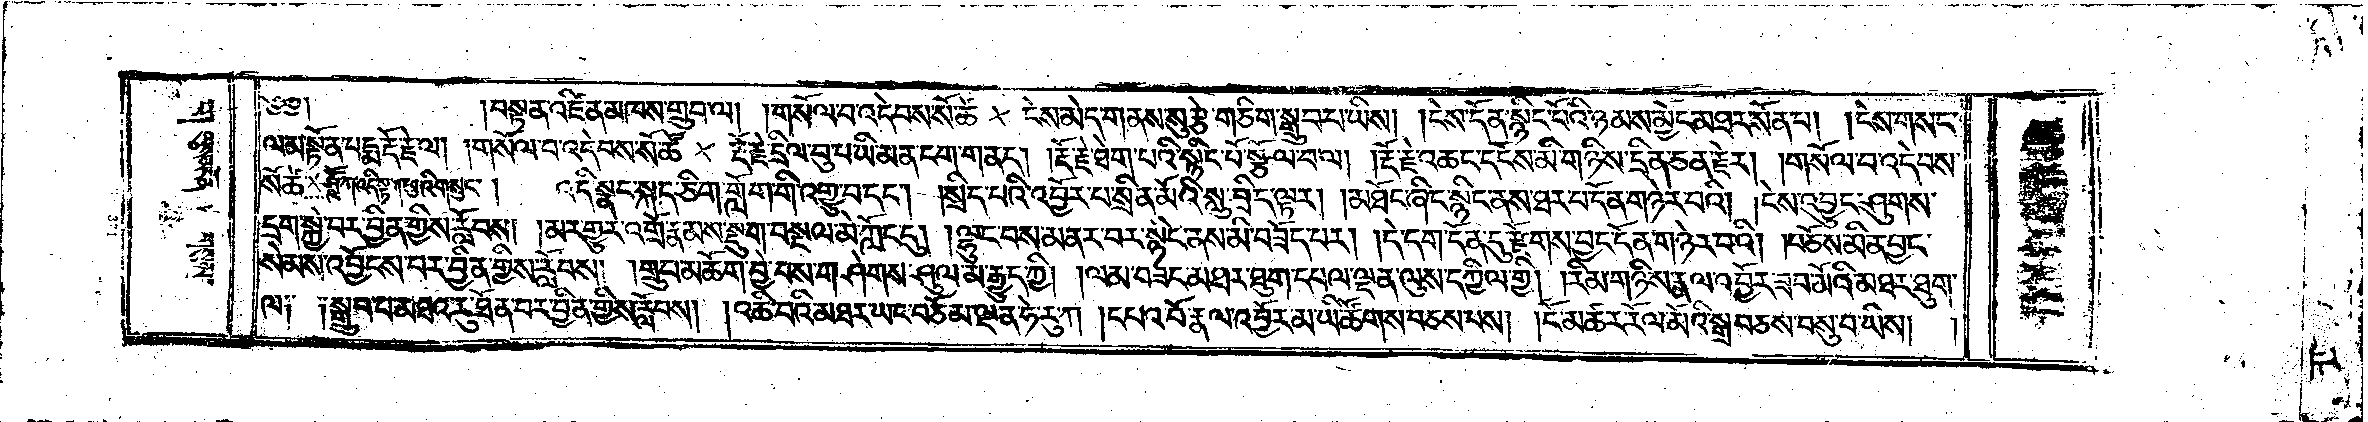༄༅། །བསྟན་འཛིན་མཁས་གྲུབ་ལ། །གསོལ་བ་འདེབས་སོ་ཚེ་྾་ངེས་མེད་གནས་སུ་རྩེ་གཅིག་སྒྲུབ་པ་ཡིས། །ངེས་དོན་སྙིང་པོའི་ཉམས་མྱོང་མཐར་སོན་པ། །ངེས་གསང་
ལམ་སྟོན་པདམ་རྡོ་རྗེ་ལ། །གསོལ་བ་འདེབས་སོ་ཚོ་྾་རྡོ་རྗེ་དྲིལ་བུ་པ་ཡི་མན་ངག་གནད། །རྡོ་རྗེ་ཐེག་པའི་སྙིང་པོ་སྩོལ་བ་ལ། །རྡོ་རྗེ་འཆང་དངོས་མི་གཉིས་དྲིན་ཅན་རྗེར། །གསོལ་བ་འདེབས་
སོ་ཚེ྾་ཤླཽཀ་འདི་སྟག་ཕྲུའི་གསུང་། འདི་སྣང་སྐད་ཅིག་གློག་གི་འགྱུ་བ་དང་། །སྲིད་པའི་འབྱོར་པ་སྲིན་མོའི་སླུ་བྲིད་ལྟར། །མཐོང་ཞིང་སྙིང་ནས་ཐར་པ་དོན་གཉེར་བའི། །ངེས་འབྱུང་ཤུགས་
དྲག་སྐྱེ་བར་བྱིན་གྱིས་རློབས། །མར་གྱུར་འགྲོ་རྣམས་སྡུག་བསྔལ་མེ་ཀློང་དུ། །ལྷུང་བས་མནར་བར་སྙིང་ནས་མི་བཟོད་པར། །དེ་དག་དོན་དུ་རྫོགས་བྱང་དོན་གཉེར་བའི། །བཅོས་མིན་བྱང་
སེམས་འབྱོངས་པར་བྱིན་གྱིས་རློབས། །གྲུབ་མཆོག་བྱེ་བས་གཤེགས་ཤུལ་མ་རྒྱུད་ཀྱི། །ལམ་བཟང་མཐར་ཐུག་དཔལ་ལྡན་ལུས་དཀྱིལ་གྱི། །རིམ་གཉིས་རྣལ་འབྱོར་ཟབ་མོའི་མཐར་ཐུག་
ལ༑ ༑སྒྲུབ་པ་མཐའ་རུ་ཐོན་པར་བྱིན་གྱིས་རློབས། །འཆི་བའི་མཐར་ཡང་བཅོམ་ལྡན་ཧེ་རུ་ཀ །དཔའ་བོ་རྣལ་འབྱོར་མ་ཡི་ཚོགས་བཅས་པས། །ངོ་མཚར་རོལ་མོའི་སྒྲ་བཅས་བསུ་བ་ཡིས། །